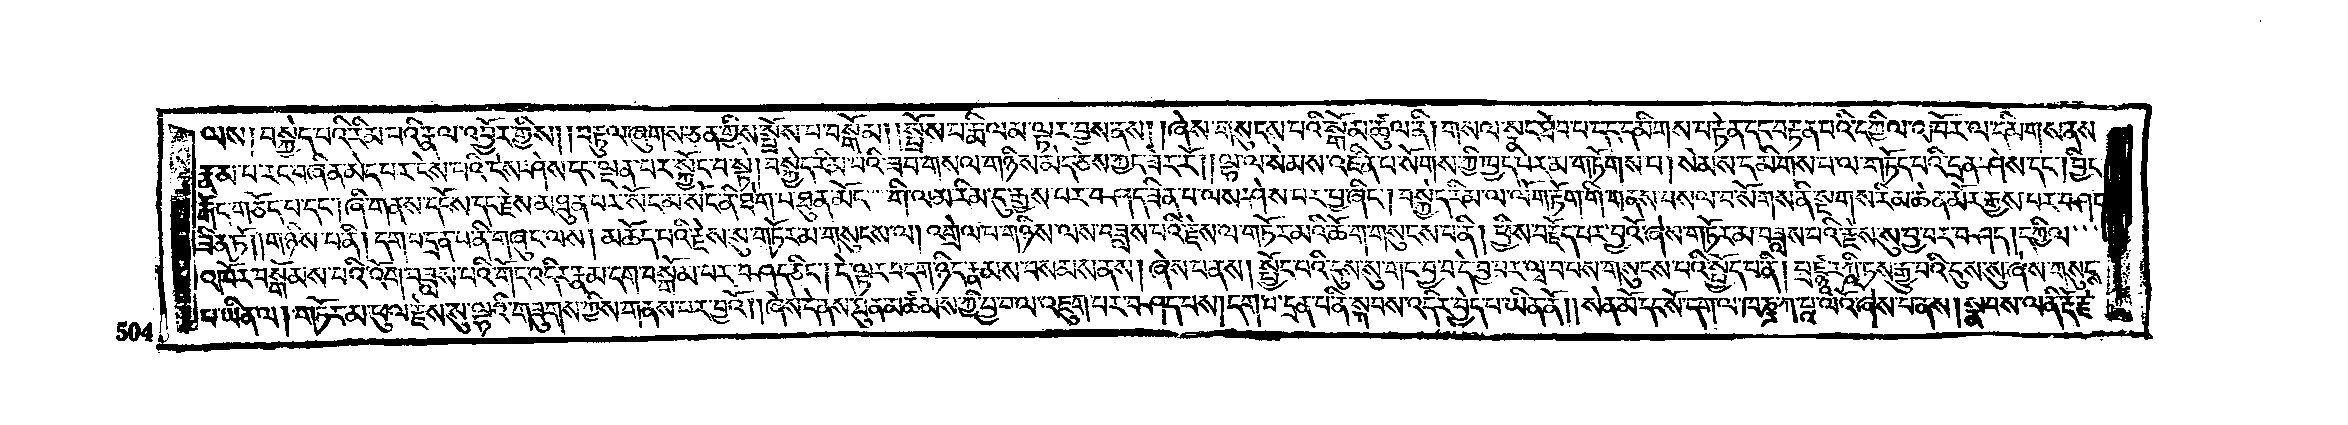ལས། བསྐྱེད་པའི་རིམ་པའི་རྣལ་འབྱོར་གྱིས། །བརྟུལ་ཞུགས་ཅན་གྱིས་སྤྲོས་པ་བསྒོམ། །སྤྲོས་པ་རྨི་ལམ་ལྟར་བྱས་ནས། །ཞེས་གསུངས་པའི་སྒོམ་ཚུལ་ནི། གསལ་སྣང་ཐོབ་པ་དང་དམིགས་པ་རྟེན་དང་བརྟན་པའི་དཀྱིལ་འཁོར་ལ་དམིགས་ནས་
རྣམ་པ་རང་བཞིན་མེད་པར་ངེས་པའི་ངེས་ཤེས་དང་ལྡན་པར་སྐྱོང་བ་སྟེ། བསྐྱེད་རིམ་པའི་ཟབ་གསལ་གཉིས་མེད་ཅེས་ཀྱང་ཟེར་རོ། །ལྷ་ལ་སེམས་འཛིན་པ་སོགས་ཀྱི་ཁྱད་པར་མ་གཏོགས་པ། སེམས་དམིགས་པ་ལ་གཏོད་པའི་དྲན་ཤེས་དང་། བྱིང་
རྒོད་གཅོད་པ་དང་། ཞི་གནས་དངོས་དང་རྗེས་མཐུན་པར་སོང་མ་སོང་ནི་ཐེག་པ་ཐུན་མོང་གི་ལམ་རིམ་དུ་རྒྱས་པར་བཤད་ཟིན་པ་ལས་ཤེས་པར་བྱ་ཞིང་། བསྐྱེད་རིམ་ལ་ལོག་རྟོག་གི་གནས་བསལ་བ་སོགས་ནི་སྔགས་རིམ་ཆེན་མོར་རྒྱས་པར་བཤད་
ཟིན་ཏོ། །གཉིས་པ་ནི། དག་པ་དྲན་པ་ནི་གཞུང་ལས། མཆོད་པའི་རྗེས་སུ་གཏོར་མ་གསུངས་ལ། འགྲེལ་པ་གཉིས་ལས་བཟླས་པའི་རྗེས་ལ་གཏོར་མའི་ཆོ་ག་གསུངས་པ་ནི། ཕྱིས་བརྗོད་པར་བྱའོ་ཞེས་གཏོར་མ་བཟླས་པའི་རྗེས་སུ་བྱ་བར་བཤད། དཀྱིལ་
འཁོར་བསྒོམས་པའི་འོག་བཟླས་པའི་གོང་འདིར་རྣམ་དག་བསྒོམ་པར་བཤད་ཅིང་། དེ་ལྟར་བདག་ཉིད་རྣམས་བསམས་ནས། ཞེས་པ་ནས། སྤྱོད་པའི་དུས་སུ་གང་བྱ་བ་དེ་བྱ་བར་ལྭ་བ་པས་གསུངས་པའི་སྤྱོད་པ་ནི། པྲཛྙཱ་རཀྵི་ཏས་རྒྱུ་བའི་དུས་སུ་ཞེས་གསུངས་
པ་ཡིན་ལ། གཏོར་མ་ཕུལ་རྗེས་སུ་ལྷའི་གཟུགས་ཀྱིས་གནས་པར་བྱའོ། །ཞེས་དེ་ནས་ཐུན་མཚམས་ཀྱི་བྱ་བ་ལ་འཇུག་པར་བཤད་པས། དག་པ་དྲན་པ་ནི་སྐབས་འདིར་བྱེད་པ་ཡིན་ནོ། །སེན་མོ་དང་སོ་དག་ལ་ཁཎྜ་ཀ་པཱ་ལའོ་ཞེས་པ་ནས། སྣབས་ལ་ནི་རྡོ་རྗེ་